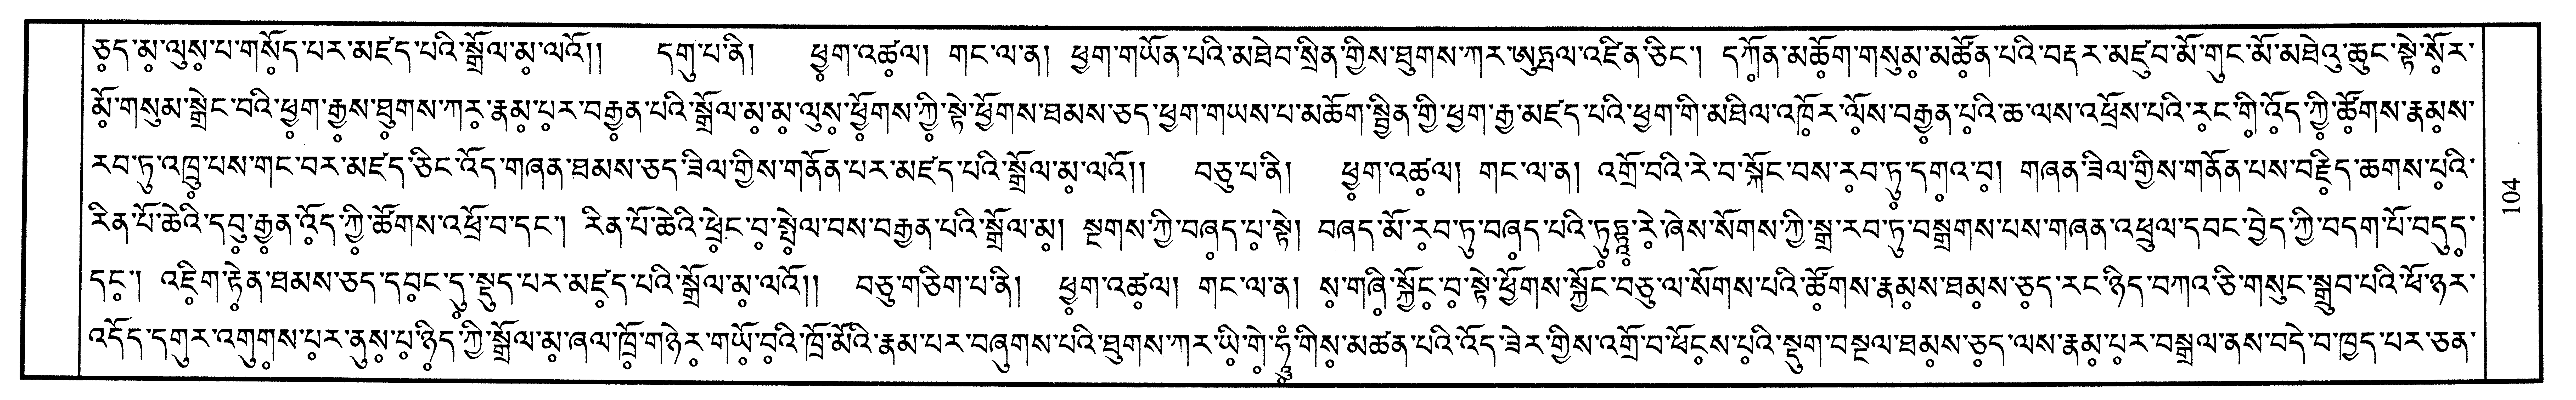ཅད་མ་ལུས་པ་གསོད་པར་མཛད་པའི་སྒྲོལ་མ་ལའོ།། དགུ་པ་ནི། ཕྱག་འཚལ། གང་ལ་ན། ཕྱག་གཡོན་པའི་མཐེབ་སྲིན་གྱིས་ཐུགས་ཀར་ཨུཏྤལ་འཛིན་ཅིང་། དཀོན་མཆོག་གསུམ་མཚོན་པའི་བརྡར་མཛུབ་མོ་གུང་མོ་མཐེའུ་ཆུང་སྟེ་སོར་
མོ་གསུམ་སྒྲེང་བའི་ཕྱག་རྒྱས་ཐུགས་ཀར་རྣམ་པར་བརྒྱན་པའི་སྒྲོལ་མ་མ་ལུས་ཕྱོགས་ཀྱི་སྟེ་ཕྱོགས་ཐམས་ཅད་ཕྱག་གཡས་པ་མཆོག་སྦྱིན་གྱི་ཕྱག་རྒྱ་མཛད་པའི་ཕྱག་གི་མཐིལ་འཁོར་ལོས་བརྒྱན་པའི་ཆ་ལས་འཕྲོས་པའི་རང་གི་འོད་ཀྱི་ཚོགས་རྣམས་
རབ་ཏུ་འཁྲུ་པས་གང་བར་མཛད་ཅིང་འོད་གཞན་ཐམས་ཅད་ཟིལ་གྱིས་གནོན་པར་མཛད་པའི་སྒྲོལ་མ་ལའོ།། བཅུ་པ་ནི། ཕྱག་འཚལ། གང་ལ་ན། འགྲོ་བའི་རེ་བ་སྐོང་བས་རབ་ཏུ་དགའ་བ། གཞན་ཟིལ་གྱིས་གནོན་པས་བརྗིད་ཆགས་པའི་
རིན་པོ་ཆེའི་དབུ་རྒྱན་འོད་ཀྱི་ཚོགས་འཕྲོ་བ་དང་། རིན་པོ་ཆེའི་ཕྲེང་བ་སྤེལ་བས་བརྒྱན་པའི་སྒྲོལ་མ། སྔགས་ཀྱི་བཞད་པ་སྟེ། བཞད་མོ་རབ་ཏུ་བཞད་པའི་ཏུཏྟཱ་རེ་ཞེས་སོགས་ཀྱི་སྒྲ་རབ་ཏུ་བསྒྲགས་པས་གཞན་འཕྲུལ་དབང་བྱེད་ཀྱི་བདག་པོ་བདུད་
དང་། འཇིག་རྟེན་ཐམས་ཅད་དབང་དུ་སྡུད་པར་མཛད་པའི་སྒྲོལ་མ་ལའོ།། བཅུ་གཅིག་པ་ནི། ཕྱག་འཚལ། གང་ལ་ན། ས་གཞི་སྐྱོང་བ་སྟེ་ཕྱོགས་སྐྱོང་བཅུ་ལ་སོགས་པའི་ཚོགས་རྣམས་ཐམས་ཅད་རང་ཉིད་བཀའ་ཅི་གསུང་སྒྲུབ་པའི་ཕོ་ཉར་
འདོད་དགུར་འགུགས་པར་ནུས་པ་ཉིད་ཀྱི་སྒྲོལ་མ་ཞལ་ཁྲོ་གཉེར་གཡོ་བའི་ཁྲོ་མོའི་རྣམ་པར་བཞུགས་པའི་ཐུགས་ཀར་ཡི་གེ་ཧཱུཾ་གིས་མཚན་པའི་འོད་ཟེར་གྱིས་འགྲོ་བ་ཕོངས་པའི་སྡུག་བསྔལ་ཐམས་ཅད་ལས་རྣམ་པར་བསྒྲལ་ནས་བདེ་བ་ཁྱད་པར་ཅན་